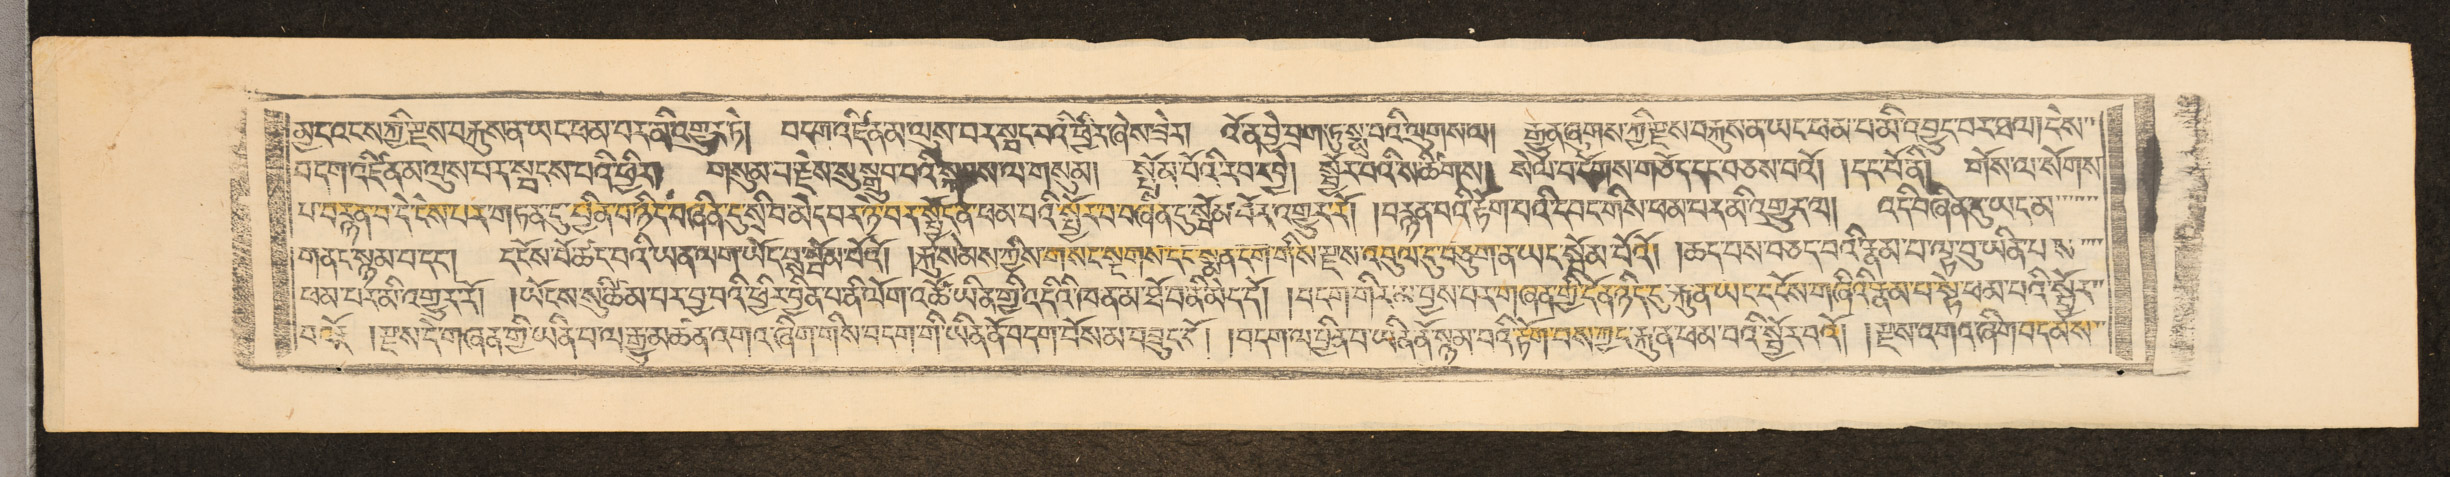མྱང་འདས་ཀྱི་རྫས་བརྐུས་ན་ཡང་ཕམ་པར་མི་འགྱུར་ཏེ། བདག་འཛིན་མ་ལུས་པར་སྤང་པའི་ཕྱིར་ཞེས་ཟེར། འོ་ན་བྱེ་བྲག་ཏུ་སྨྲ་བའི་ལུགས་ལ། རྒྱུན་ཞུགས་ཀྱི་རྫས་བརྐུས་ན་ཡང་ཕམ་པ་མི་འབྱུང་བར་ཐལ། དེས་
བདག་འཛིན་མ་ལུས་པར་སྤངས་པའི་ཕྱིར། གསུམ་པ་རྗེས་སུ་སྒྲུབ་པའི་སྐབས་ལ་གསུམ། སྦོམ་པོའི་རབ་དབྱེ། སྦྱོར་བའི་ས་ཚིགས། སེལ་པ་དོགས་གཅོད་དང་བཅས་པའོ། །དང་པོ་ནི། གོས་ལ་སོགས་
པ་བརྙན་པ་དེ་ངེས་པར་གཏན་དུ་བྱིན་པ་ཉིད་བཞིན་དུ་སྲི་བ་མེད་པར་ཉེ་བར་སྤྱོད་ན་ཕམ་པའི་སྦྱོར་བ་བཞིན་དུ་སྦོམ་པོར་འགྱུར་རོ། །བརྙན་པའི་རྟོག་པའི་དབང་གིས་ཕམ་པར་མི་འགྱུར་ལ། འདི་བཞིན་དུ་ཡང་མ་
གནང་སྙམ་པ་དང་། དངོས་པོ་ཚད་བའི་ཡན་ལག་ཡོད་པས་སྦོམ་པོའོ། །རྐུ་སེམས་ཀྱིས་གསང་སྔགས་དང་སྨན་དང་། གིས་རྫས་འབུལ་དུ་བཅུག་ན་ཡང་སྦོམ་པོའོ། །ཆད་པས་བཅད་པའི་རྣམ་པ་ལྟ་བུ་ཡིན་པས་
ཕམ་པར་མི་འགྱུར་རོ། །ཡོངས་སུ་ཚིམ་པར་བྱ་བའི་ཕྱིར་བྱིན་པ་ནི་ལོག་འཚོ་ཡིན་གྱི་འདིའི་ཁ་ན་མ་ཐོ་བ་ནི་མེད་དོ། །བདག་གིར་མ་བྱས་པར་གཞན་གྱི་དོན་ཉིད་དུ་རྐུན་ཡང་དངོས་གཞིའི་རྣམ་པ་སྟེ་ཕམ་པའི་སྦྱོར་
བའོ༑ །རྫས་དེ་གཞན་གྱི་ཡིན་པ་ལ་རྒྱུ་མཚན་འགའ་ཞིག་གིས་བདག་གི་ཡིན་ནོ་བདག་པོས་མ་བཟུང་ངོ། །བདག་ལ་བྱིན་པ་ཡིན་ནོ་སྙམ་པའི་རྟོག་པས་ཀྱད་རྐུན་ཕམ་བའི་སྦྱོར་བའོ། །རྫས་འགའ་ཞིག་བདམས་